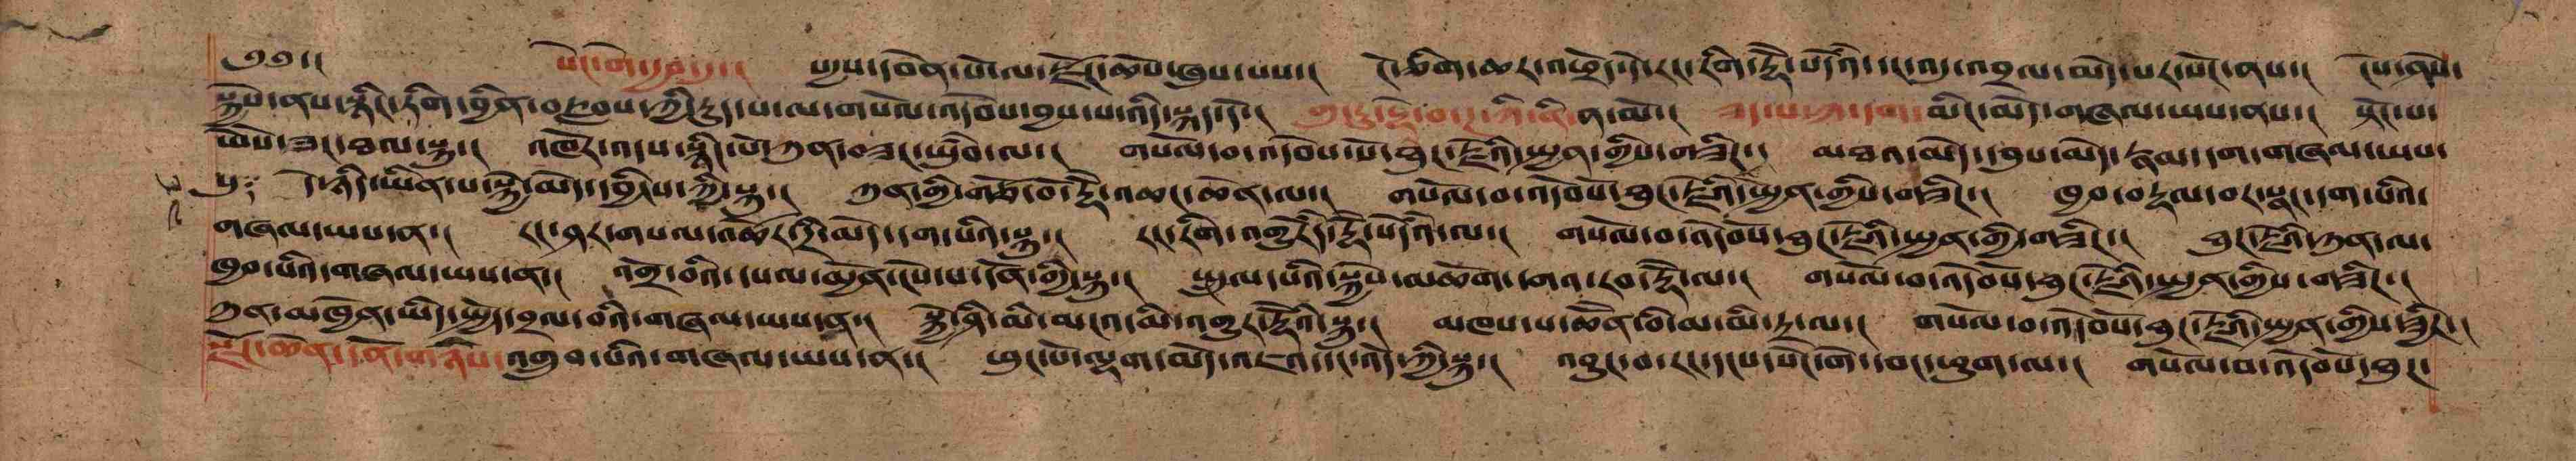༄༅། སེང་གེ་རྒྱབ་དུ། སངས་རྒྱས་དབེན་པོ་ལ་རྫོགས་ཆོས་ཞུས་པས། ངོ་གཅིག་ཆར་འཕྲོད་དེ་རང་རིག་རྡོ་རྗེ་སེམས་དཔའ་དང་འདུ་འབྲལ་མེད་པར་སོང་ནས། ངེས་ཤེས་
སྐྱེས་ནས་སྙིང་ཏིག་བྱིན་བརླབས་ཀྱི་རྒྱུད་པ་ལ་གསོལ་འདེབས་བྱས་པ་འདི་སྐད་དོ། གུ་རུ་རྡེ་བ་ཊ་ཀི་ནི་ན་མོ། ཟད་པ་ཀ་དག་མིང་མེད་གཞལ་ཡས་ནས། སྟོང་པ་
ཡེ་ཤེས་ཟང་ཐལ་སྐུ། འཁོར་འདས་སྙིང་པོ་ཀུན་བཟང་ཡབ་ཡུམ་ལ། གསོལ་བ་འདེབས་སོ་ཐུགས་རྗེའི་སྤྱན་གྱིས་གཟིགས། མཐའ་མེད་དབུས་མེད་རྣམ་དག་གཞལ྄་ཡས་
སུ༑ དེ་ཉིད་ཡིན་པ་སྐྱེ་མེད་དབྱིངས་ཀྱི་སྐུ། ཀུན་གྱི་གཙོ་བོ་རྡོ་རྗེ་འཆང་ཆེན་ལ། གསོལ་བ་འདེབས་སོ་ཐུགས་རྗེའི་སྤྱན་གྱིས་གཟིགས། ཁྱབ་བརྡལ་བར་སྣང་དག་པའི་
གཞལ་ཡས་ན། རང་ཤར་གསལ་འཚེར་དྲི་མེད་དག་པའི་སྐུ། རང་རིག་འགྱུར་མེད་རྡོ་རྗེ་སེམས་དཔའ་ལ། གསོལ་བ་འདེབས་སོ་ཐུགས་རྗེའི་སྤྱན་གྱི་གཟིགས། ཐུགས་རྗེའི་ཀུན་ལ་
ཁྱབ་པའི་གཞལ་ཡས་ན། འགྲོ་བའི་དཔལ་མྱོན་ངེས་པ་དོན་གྱི་སྐུ། སྤྲུལ་པའི་སྐྱེས་མཆོག་དགའ་རབ་རྡོ་རྗེ་ལ། གསོལ་བ་འདེབས་སོ་ཐུགས་རྗེའི་སྤྱན་གྱིས་གཟིགས། 
ཀུན་མཁྱེན་ཡིད་སྤྱོད་བྲལ་བའི་གཞལ་ཡས་ན། སྐྱེ་ཤི་མི་མངའ་མི་འགྱུར་རྡོ་རྗེ་སྐུ། མཁས་པ་ཆེན་པོ་བི་མ་མི་ཏྲ་ལ། གསོལ་བ་འདེབས་སོ་ཐུགས་
རྗེའི་སྤྱན་གྱིས་གཟིགས། རྫོགས་ཆེན་དོན་གཉིས་འགྲུབ་པའི་གཞལ་ཡས་ན། ཕུང་པོ་ལྷག་མེད་འཇའ་དང་འོད་ཀྱི་སྐུ། འབྱུང་བ་རང་དངས་སེང་གེ་དབང་ཕྱུག་ལ། གསོལ་བ་འདེབས་སོ་ཐུགས་